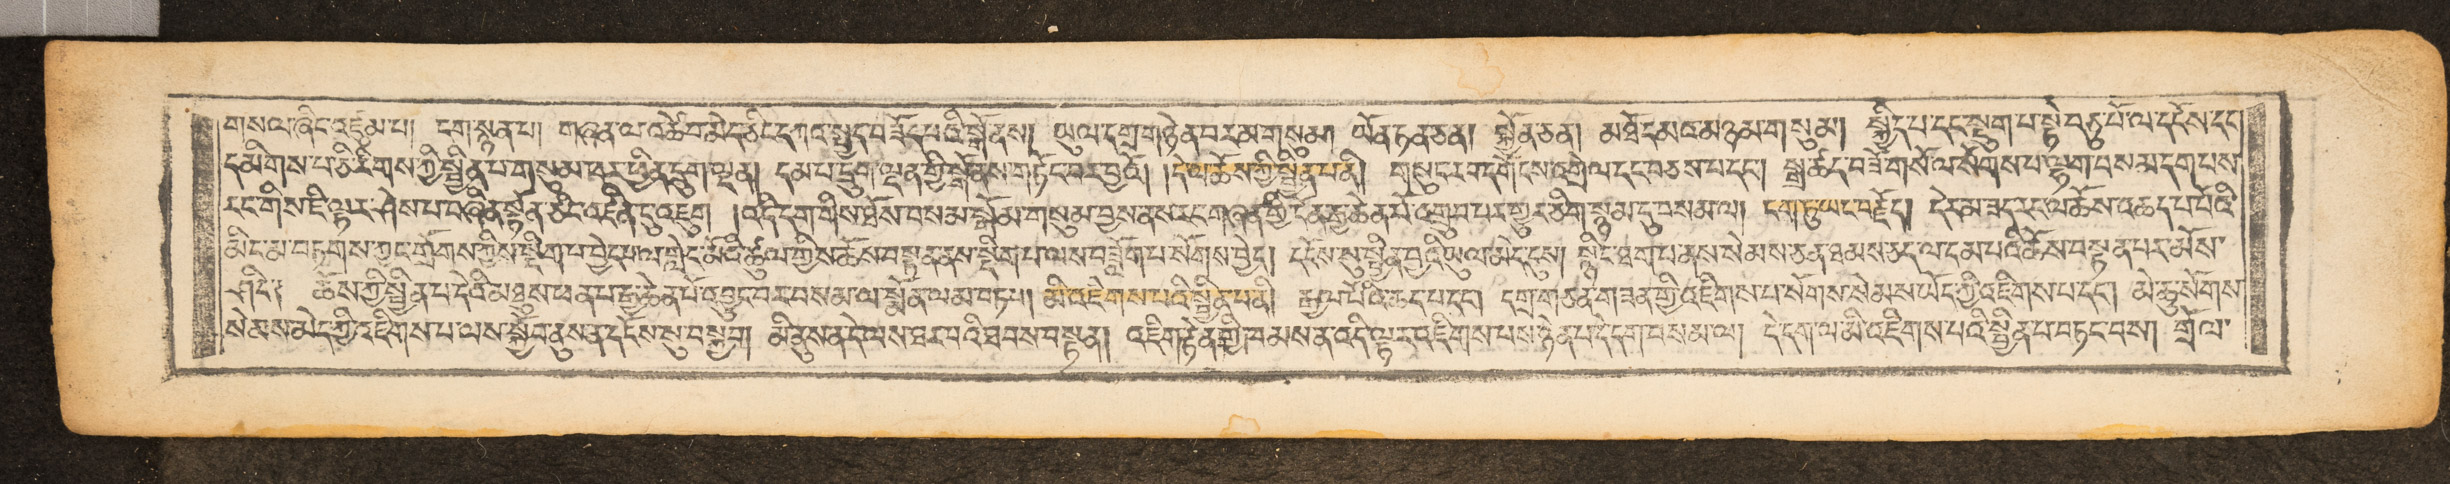གསལ་ཞིང་འཛུམ་པ། ངག་སྙན་པ། གཞན་ལ་འཚེ་བ་མེད་ཅིང་དགའ་སྦྱད་བཟོད་པའི་སྒོ་ནས། ཡུལ་དགྲ་གཉེན་པར་མ་གསུམ། ཡོན་ཏན་ཅན། སྐྱོན་ཅན། མཐོ་དམའ་མཉམ་གསུམ། སྐྱིད་པ་དང་སྡུག་པ་སྟེ་བཅུ་པོ་ལ་དངོས་དང་
དམིགས་པ་ཅི་རིགས་ཀྱི་སྦྱིན་པ་གསུམ་ཕར་ཕྱིན་དྲུག་ལྡན། དམ་པ་དྲུག་ལྡན་གྱི་སྒོ་ནས་གཏོང་བར་བྱའོ། །དེ་ལ་ཆོས་ཀྱི་སྦྱིན་པ་ནི། གསུང་རབ་དགོངས་འགྲེལ་དང་བཅས་པ་དང་། སྒྲ་ཚད་བཟོ་གསོལ་སོགས་པ་ལྷག་བསམ་དག་པས་
རང་གིས་ཇི་ལྟར་ཤེས་པ་བཞིན་སྟོན་ཅིང་འཛིན་དུ་འཇུག །འདི་དག་གིས་ཐོས་བསམ་སྒོམ་གསུམ་བྱས་ནས་རང་གཞན་གྱི་དོན་རྒྱ་ཆེན་པོ་འགྲུབ་པར་གྱུར་ཅིག་སྙམ་དུ་བསམ་ལ། དག་ཏུ་ཡང་བརྗོད། དེར་མ་ཟད་རང་ལ་ཆོས་འཆད་པ་པོའི་
མིང་མ་བཏགས་ཀྱང་གྲོགས་ཀྱིས་སྡིག་པ་བྱེད་པ་ལ་གླེང་མོའི་ཚུལ་གྱིས་ཆོས་བསྟན་ནས་སྡིག་པ་ལས་བཟློག་པ་སོགས་བྱེད། དངོས་སུ་སྦྱིན་བྱའི་ཡུལ་མེད་དུས། སྙིང་ཐག་པ་ནས་སེམས་ཅན་ཐམས་ཅད་ལ་དམ་པའི་ཆོས་བསྟན་པར་མོས་
ཤིང༑ ཆོས་ཀྱི་སྦྱིན་པ་དེའི་མཐུས་ཕན་བ་རྒྱ་ཆེན་པོ་འབྱུང་བར་བསམ་ལ་སྨོན་ལམ་བཏབ། མི་འཇིགས་པའི་སྦྱིན་པ་ནི། རྒྱལ་པོའི་འཆད་པ་དང་། དགྲ་གཅན་གཟན་གྱི་འཇིགས་པ་སོགས་སེམས་ཡོད་ཀྱི་འཇིགས་པ་དང་། མེ་ཆུ་སོགས་
སེམས་མེད་ཀྱི་འཇིགས་པ་ལས་སྐྱོབ་ནུས་ན་དངོས་སུ་བསྐྱབ། མི་ནུས་ན་དེ་ལས་ཐར་བའི་ཐབས་བསྟན། འཇིག་རྟེན་གྱི་ཁམས་ན་འདི་ལྟར་འཇིགས་པས་ཉེན་བ་དེ་དག་བསམ་ལ། དེ་དག་ལ་མི་འཇིགས་པའི་སྦྱིན་པ་བཏང་བས། གྲོལ་